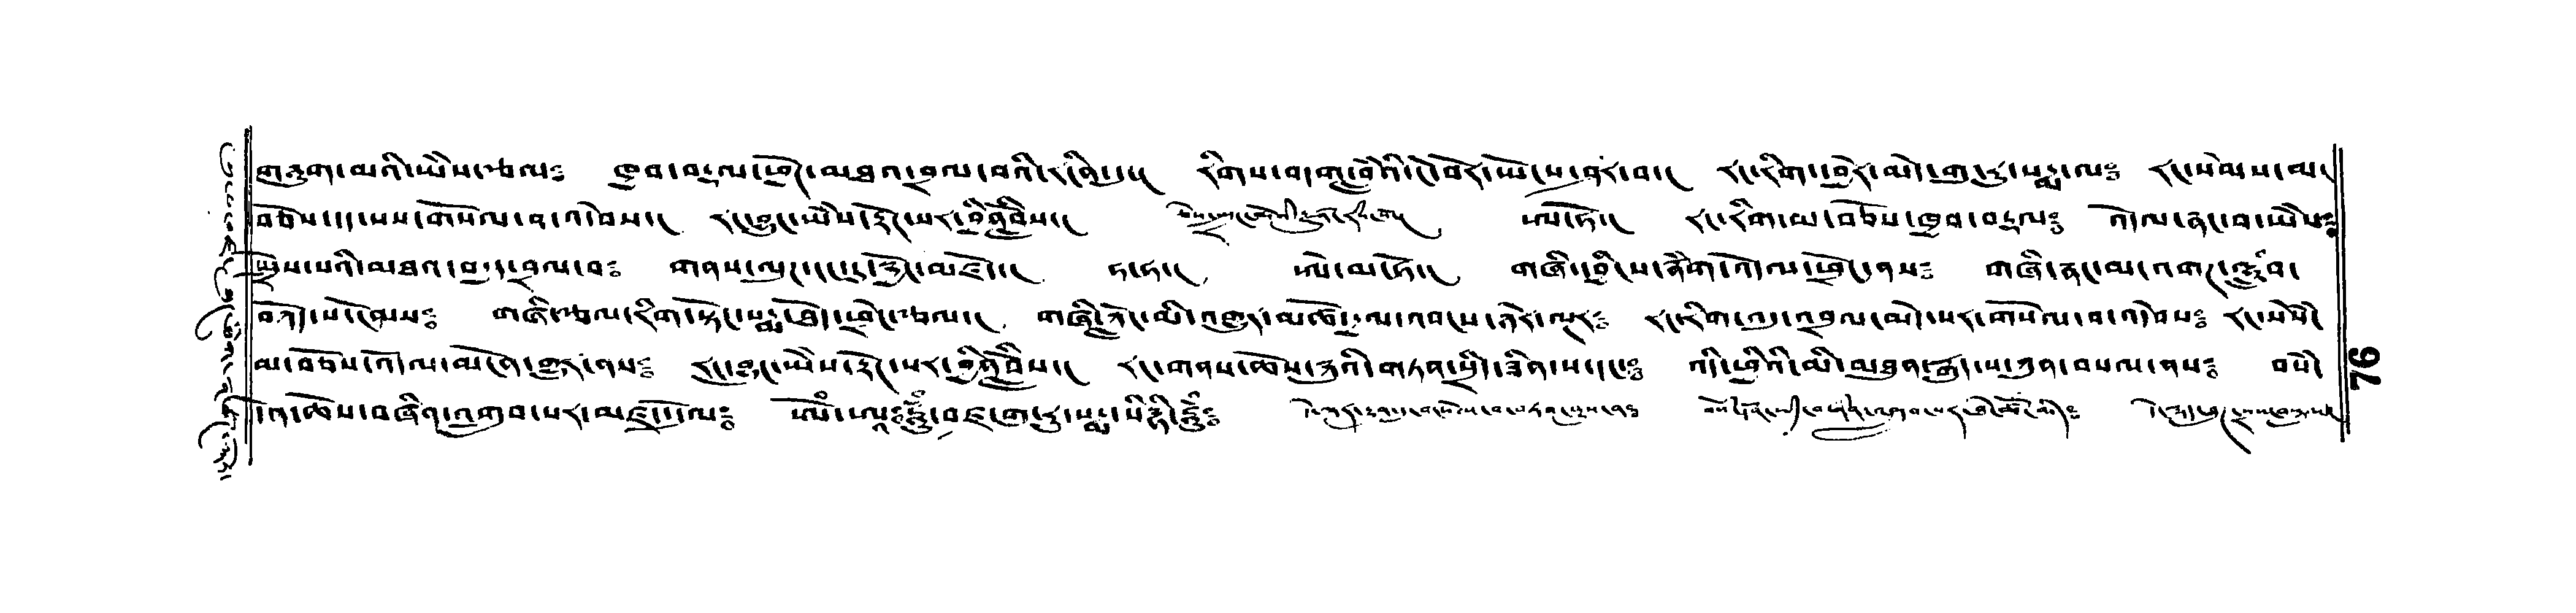གཉུག་མའི་ཡེ་ཤེས་རྩལ། ཁྱབ་བརྡལ་ཕྱོགས་མཐའ་བྲལ་བའི་རང་བཞིན་དུ། རིགས་བདག་བླ་མའི་ངོ་བོར་ཡོངས་ཤར་བ། །རང་རིག་དབྱེར་མེད་གུ་རུ་པདྨ་ལ། །རང་སེམས་མ་
བཅོས་དད་པས་གསོལ་བ་འདེབས། །རང་བྱུང་ཡེ་ཤེས་རྟོགས་པར་བྱིན་གྱིས་རློབས། ཅེས་སྤྲང་མོའི་རྫུན་རིས་སོ།། ཨ་ཧོཿ རང་རིག་མ་བཅོས་ཁྱབ་བརྡལ༔ འོད་གསལ་སྣང་བ་ཡེ་ཤེས༔ 
སྤྲོས་པའི་མཐའ་བརྒྱད་བྲལ་བ༔ གནས་ལུགས་ངང་དུ་སྐྱོང་མཛོད༔ ཧ་ཧཿ ཨེ་མ་ཧོཿ གཞི་དབྱིངས་རྣམ་དག་འོད་གསལ་ཕོ་བྲང་ནས༔ གཞི་སྣང་མ་འགགས་ལྷུན་གྲུབ་
བཀོད་པ་ངོམས༔ གཞི་རྩལ་རིག་སྟོང་པདྨ་ཐོད་ཕྲེང་རྩལ༔ གཞི་ཀློང་མི་འགྱུར་མཚོ་རྒྱལ་འབངས་ཉེར་ལྔར༔ རང་རིག་འདུ་འབྲལ་མེད་པར་གསོལ་བ་འདེབས༔ རང་སེམས་
མ་བཅོས་འོད་གསལ་མངོན་གྱུར་ནས༔ རང་བྱུང་ཡེ་ཤེས་རྟོགས་པར་བྱིན་གྱིས་རློབས༔ རང་གནས་ཆོས་སྐུའི་གཏན་སྲིད་ཟིན་པ་དང༔ འདི་ཕྱིའི་མི་མཐུན་རྒུད་པ་ཀུན་བསལ་ནས༔ བསམ་
དོན་ཆོས་བཞིན་འགྲུབ་པར་མཛད་དུ་གསོལ༔ ཨོཾ་ཨཱཿཧཱུྃ་བཛྲ་གུ་རུ་པདྨ་སིདྡྷི་ཧཱུྃ༔ དེ་ལྟར་རྒྱུན་དུ་གསོལ་བ་བཏབ་ནུས་ན༔ བསམ་དོན་ཡིད་བཞིན་འགྲུབ་པར་ཐེ་ཚོམ་མེད༔ དེ་སྐད་ཐུགས་སྲས་བསྐུལ་